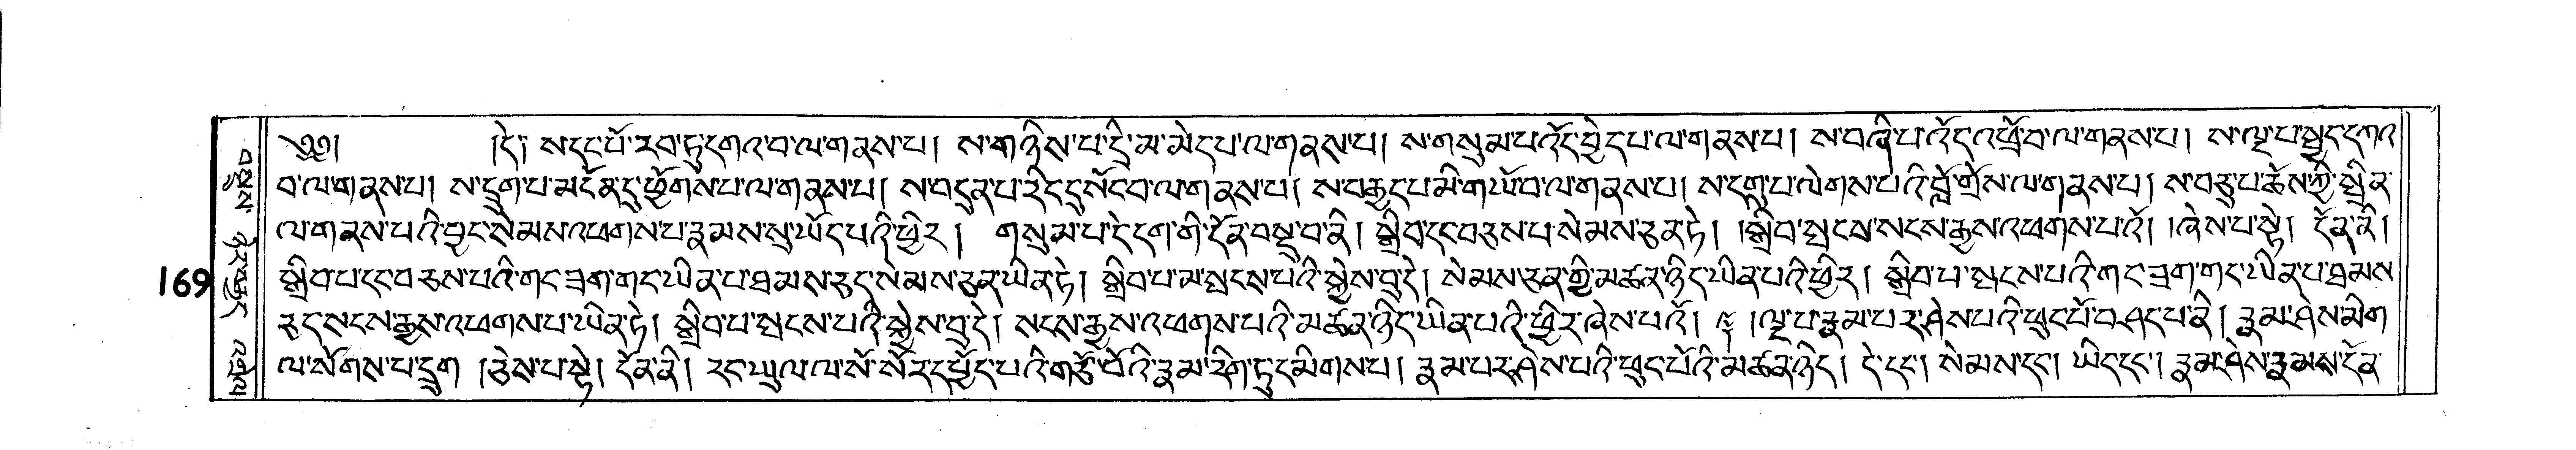༄༅། །དེ༑ ས་དང་པོ་རབ་ཏུ་དགའ་བ་ལ་གནས་པ། ས་གཉིས་པ་དྲི་མ་མེད་པ་ལ་གནས་པ། ས་གསུམ་པ་འོད་བྱེད་པ་ལ་གནས་པ། ས་བཞི་པ་འོད་འཕྲོ་བ་ལ་གནས་པ། ས་ལྔ་པ་སྦྱང་དཀའ་
བ་ལ་གནས་པ། ས་དྲུག་པ་མངོན་དུ་ཕྱོགས་པ་ལ་གནས་པ། ས་བདུན་པ་རིང་དུ་སོང་བ་ལ་གནས་པ། ས་བརྒྱད་པ་མི་གཡོ་བ་ལ་གནས་པ། ས་དགུ་པ་ལེགས་པའི་བློ་གྲོས་ལ་གནས་པ། ས་བཅུ་པ་ཆོས་ཀྱི་སྤྲིན་
ལ་གནས་པའི་བྱང་སེམས་འཕགས་པ་རྣམས་སུ་ཡོད་པའི་ཕྱིར། གསུམ་པ་དེ་དག་གི་དོན་བསྡུ་བ་ནི། སྒྲིབ་དང་བཅས་པ་སེམས་ཅན་ཏེ། །སྒྲིབ་སྤངས་སངས་རྒྱས་འཕགས་པ་འོ། །ཞེས་པ་སྟེ། དོན་ནི།
སྒྲིབ་པ་དང་བཅས་པའི་གང་ཟག་གང་ཡིན་པ་ཐམས་ཅད་སེམས་ཅན་ཡིན་ཏེ། སྒྲིབ་པ་མ་སྤངས་པའི་སྐྱེས་བུ་དེ། སེམས་ཅན་གྱི་མཚན་ཉིད་ཡིན་པའི་ཕྱིར། སྒྲིབ་པ་སྤངས་པའི་གང་ཟག་གང་ཡིན་པ་ཐམས་
ཅད་སངས་རྒྱས་འཕགས་པ་ཡིན་ཏེ། སྒྲིབ་པ་སྤངས་པའི་སྐྱེས་བུ་དེ། སངས་རྒྱས་འཕགས་པའི་མཚན་ཉིད་ཡིན་པའི་ཕྱིར་ཞེས་པའོ། ༈ །ལྔ་པ་རྣམ་པར་ཤེས་པའི་ཕུང་པོ་བཤད་པ་ནི། རྣམ་ཤེས་མིག་
ལ་སོགས་པ་དྲུག །ཅེས་པ་སྟེ། དོན་ནི། རང་ཡུལ་ལ་སོ་སོར་དཔྱོད་པའི་གཙོ་བོའི་རྣམ་རིག་ཏུ་དམིགས་པ། རྣམ་པར་ཤེས་པའི་ཕུང་པོའི་མཚན་ཉིད། དེ་དང་། སེམས་དང་། ཡིད་དང་། རྣམ་ཤེས་རྣམས་དོན་